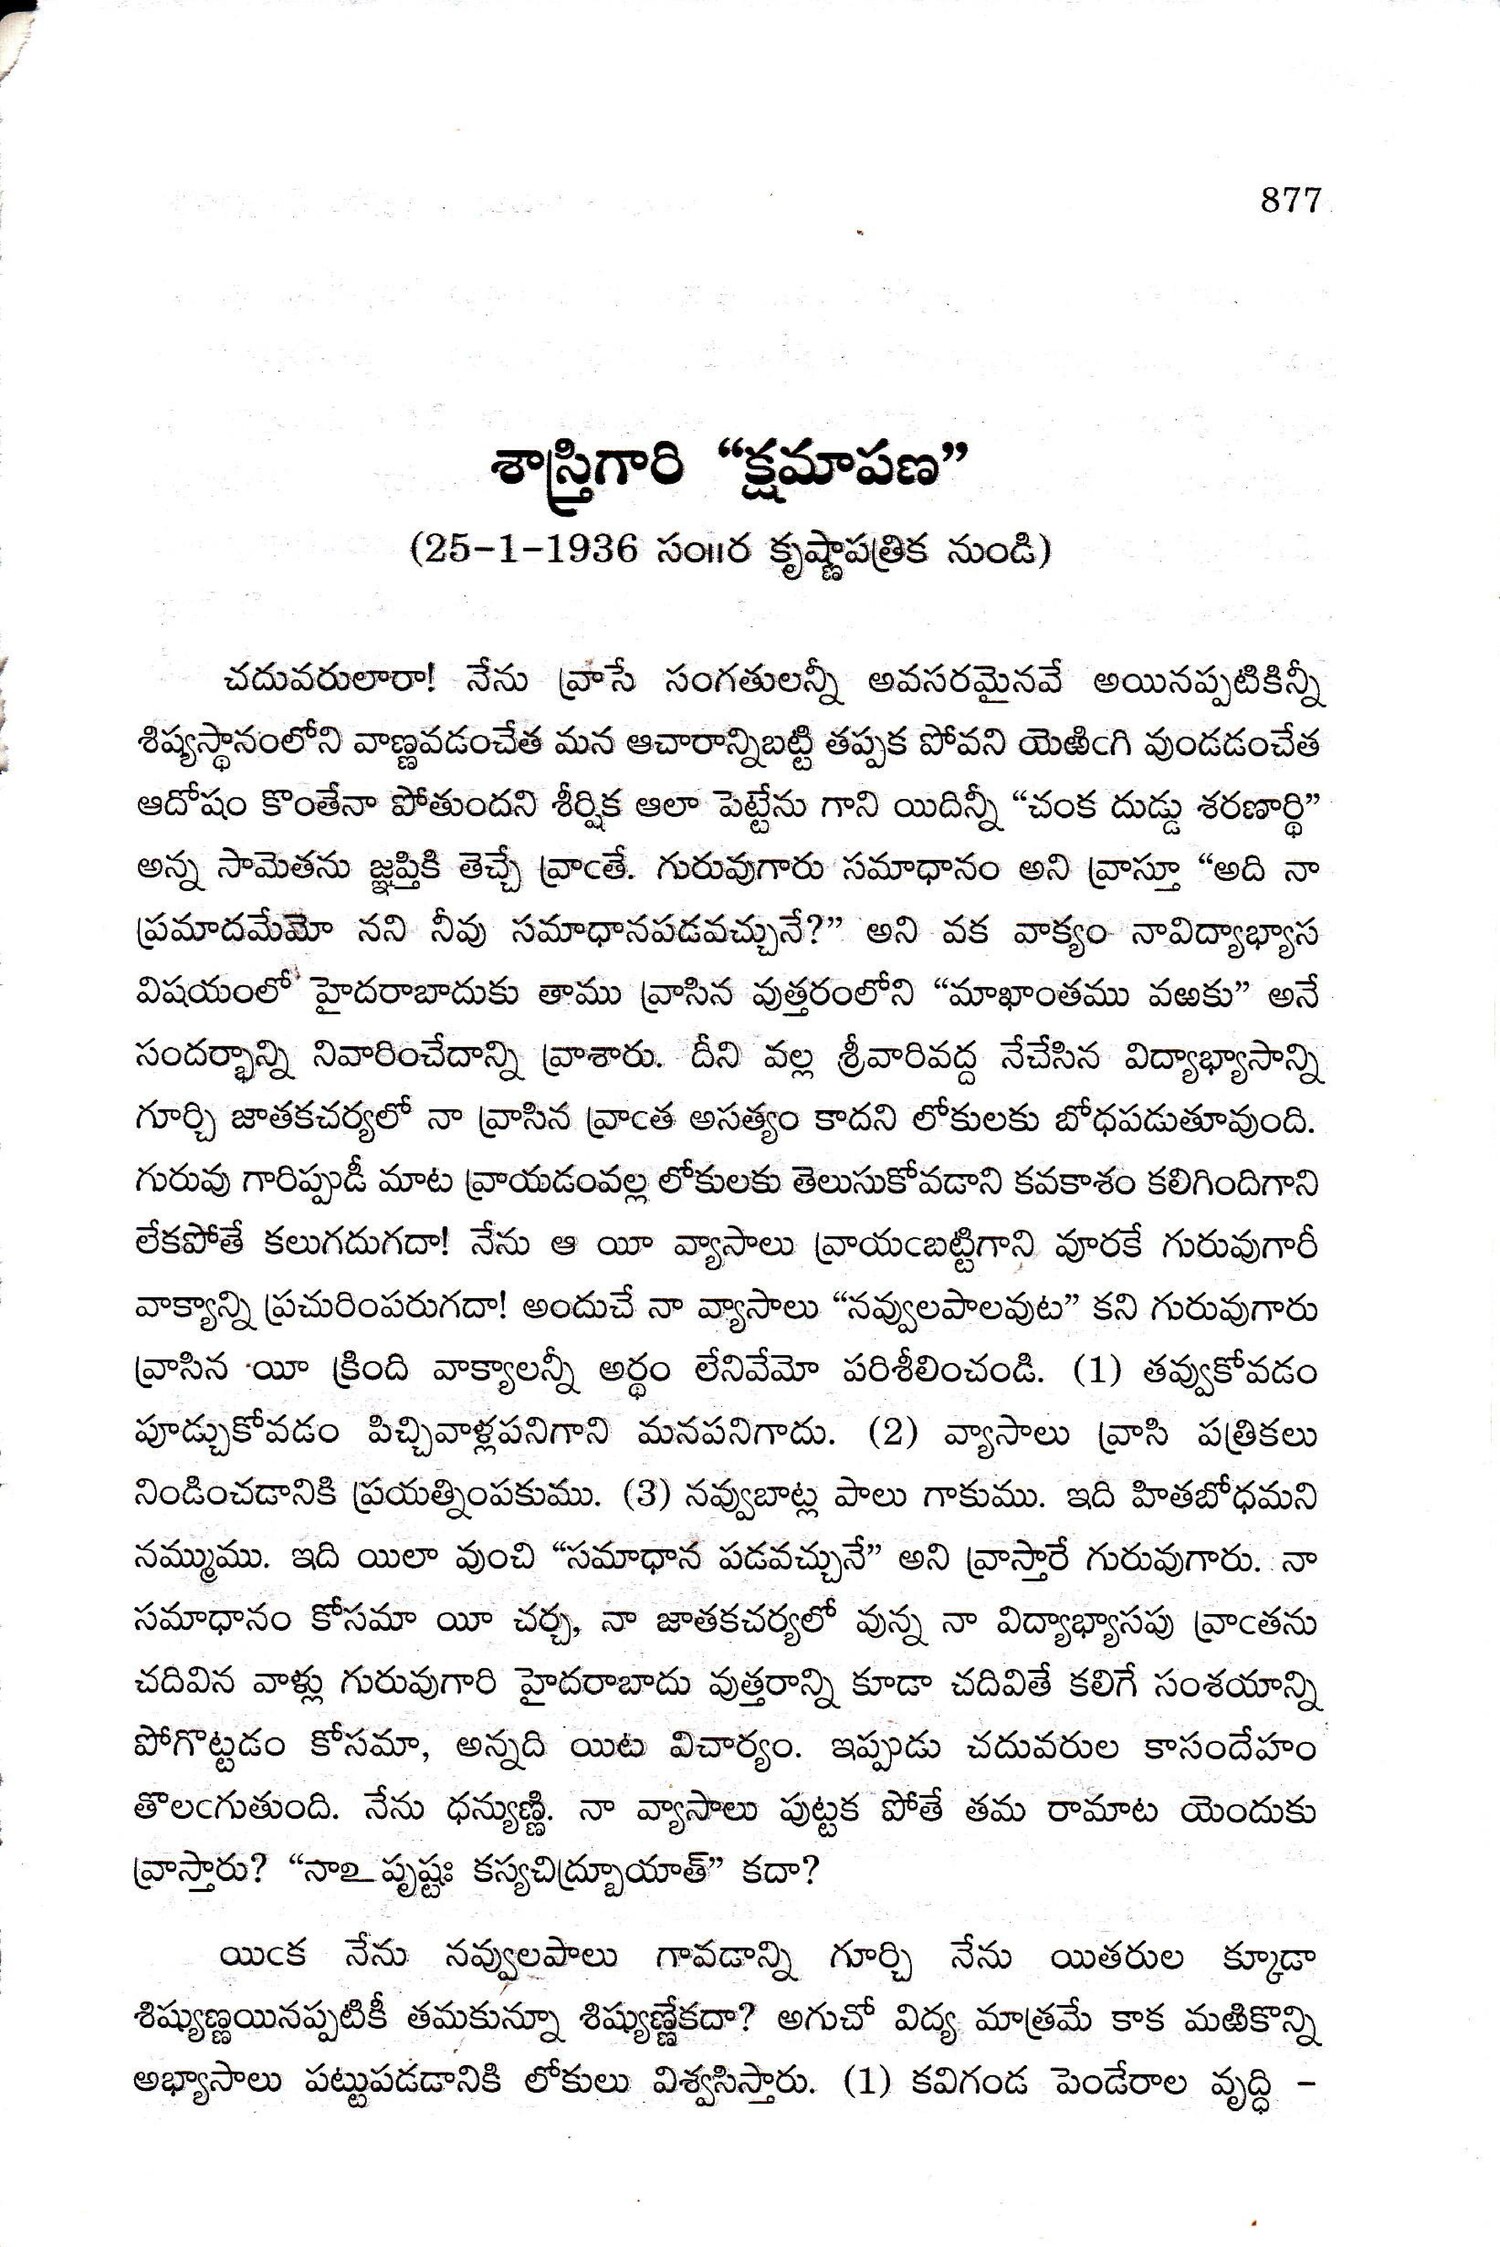శాస్త్రిగారి “క్షమాపణ" 
(25-1-1936 సం||ర కృష్ణాపత్రిక నుండి)

చదువరులారా! నేను వ్రాసే సంగతులన్నీ అవసరమైనవే అయినప్పటికిన్నీ శిష్యస్థానంలోని వాణ్ణవడంచేత మన ఆచారాన్నిబట్టి తప్పక పోవని యెఱిఁగి వుండడంచేత ఆదోషం కొంతేనా పోతుందని శీర్షిక ఆలా పెట్టేను గాని యిదిన్నీ"చంక దుడ్డు శరణార్ధి" అన్న సామెతను జ్ఞప్తికి తెచ్చే వ్రాఁతే. గురువుగారు సమాధానం అని వ్రాస్తూ "అది నా ప్రమాదమేమో నని నీవు సమాధానపడవచ్చునే?” అని వక వాక్యం నావిద్యాభ్యాస విషయంలో హైదరాబాదుకు తాము వ్రాసిన వత్తరంలోని "మాఖాంతము వఱకు” అనే సందర్భాన్ని నివారించేదాన్ని వ్రాశారు. దీని వల్ల శ్రీవారివద్ద నేచేసిన విద్యాభ్యాసాన్ని గూర్చి జాతకచర్యలో నా వ్రాసిన వ్రాఁత అసత్యం కాదని లోకులకు బోధపడుతూవుంది. గురువు గారిప్పుడీ మాట వ్రాయడంవల్ల లోకులకు తెలుసుకోవడాని కవకాశం కలిగిందిగాని లేకపోతే కలుగదుగదా! నేను ఆ యీ వ్యాసాలు వ్రాయఁబట్టిగాని వూరకే గురువుగారీ వాక్యాన్ని ప్రచురింపరుగదా! అందుచే నా వ్యాసాలు "నవ్వులపాలవట" కని గురువుగారు వ్రాసిన యీ క్రింది వాక్యాలన్నీ అర్థం లేనివేమో పరిశీలించండి. (1) తవ్వుకోవడం పూడ్చుకోవడం పిచ్చివాళ్లపనిగాని మనపనిగాదు. (2) వ్యాసాలు వ్రాసి పత్రికలు నిండించడానికి ప్రయత్నింపకుము. (3) నవ్వుబాట్ల పాలు గాకుము. ఇది హితబోధమని నమ్ముము. ఇది యిలా వుంచి "సమాధాన పడవచ్చునే" అని వ్రాస్తారే గురువుగారు. నా సమాధానం కోసమా యీ చర్చ, నా జాతకచర్యలో వున్న నా విద్యాభ్యాసపు వ్రాఁతను చదివిన వాళ్లు గురువుగారి హైదరాబాదు వత్తరాన్ని కూడా చదివితే కలిగే సంశయాన్ని పోగొట్టడం కోసమా, అన్నది యిట విచార్యం. ఇప్పుడు చదువరుల కాసందేహం తొలఁగుతుంది. నేను ధన్యుణ్ణి. నా వ్యాసాలు పుట్టక పోతే తమ రామాట యెందుకు వ్రాస్తారు? "నా౽పృష్టః కస్యచిద్బ్రూయాత్" కదా?

యిఁక నేను నవ్వులపాలు గావడాన్ని గూర్చి నేను యితరుల క్కూడా శిష్యుణ్ణయినప్పటికీ తమకున్నూ శిష్యుణ్ణేకదా? అగుచో విద్య మాత్రమే కాక మఱికొన్ని అభ్యాసాలు పట్టుపడడానికి లోకులు విశ్వసిస్తారు. (1) కవిగండ పెండేరాల వృద్ధి -